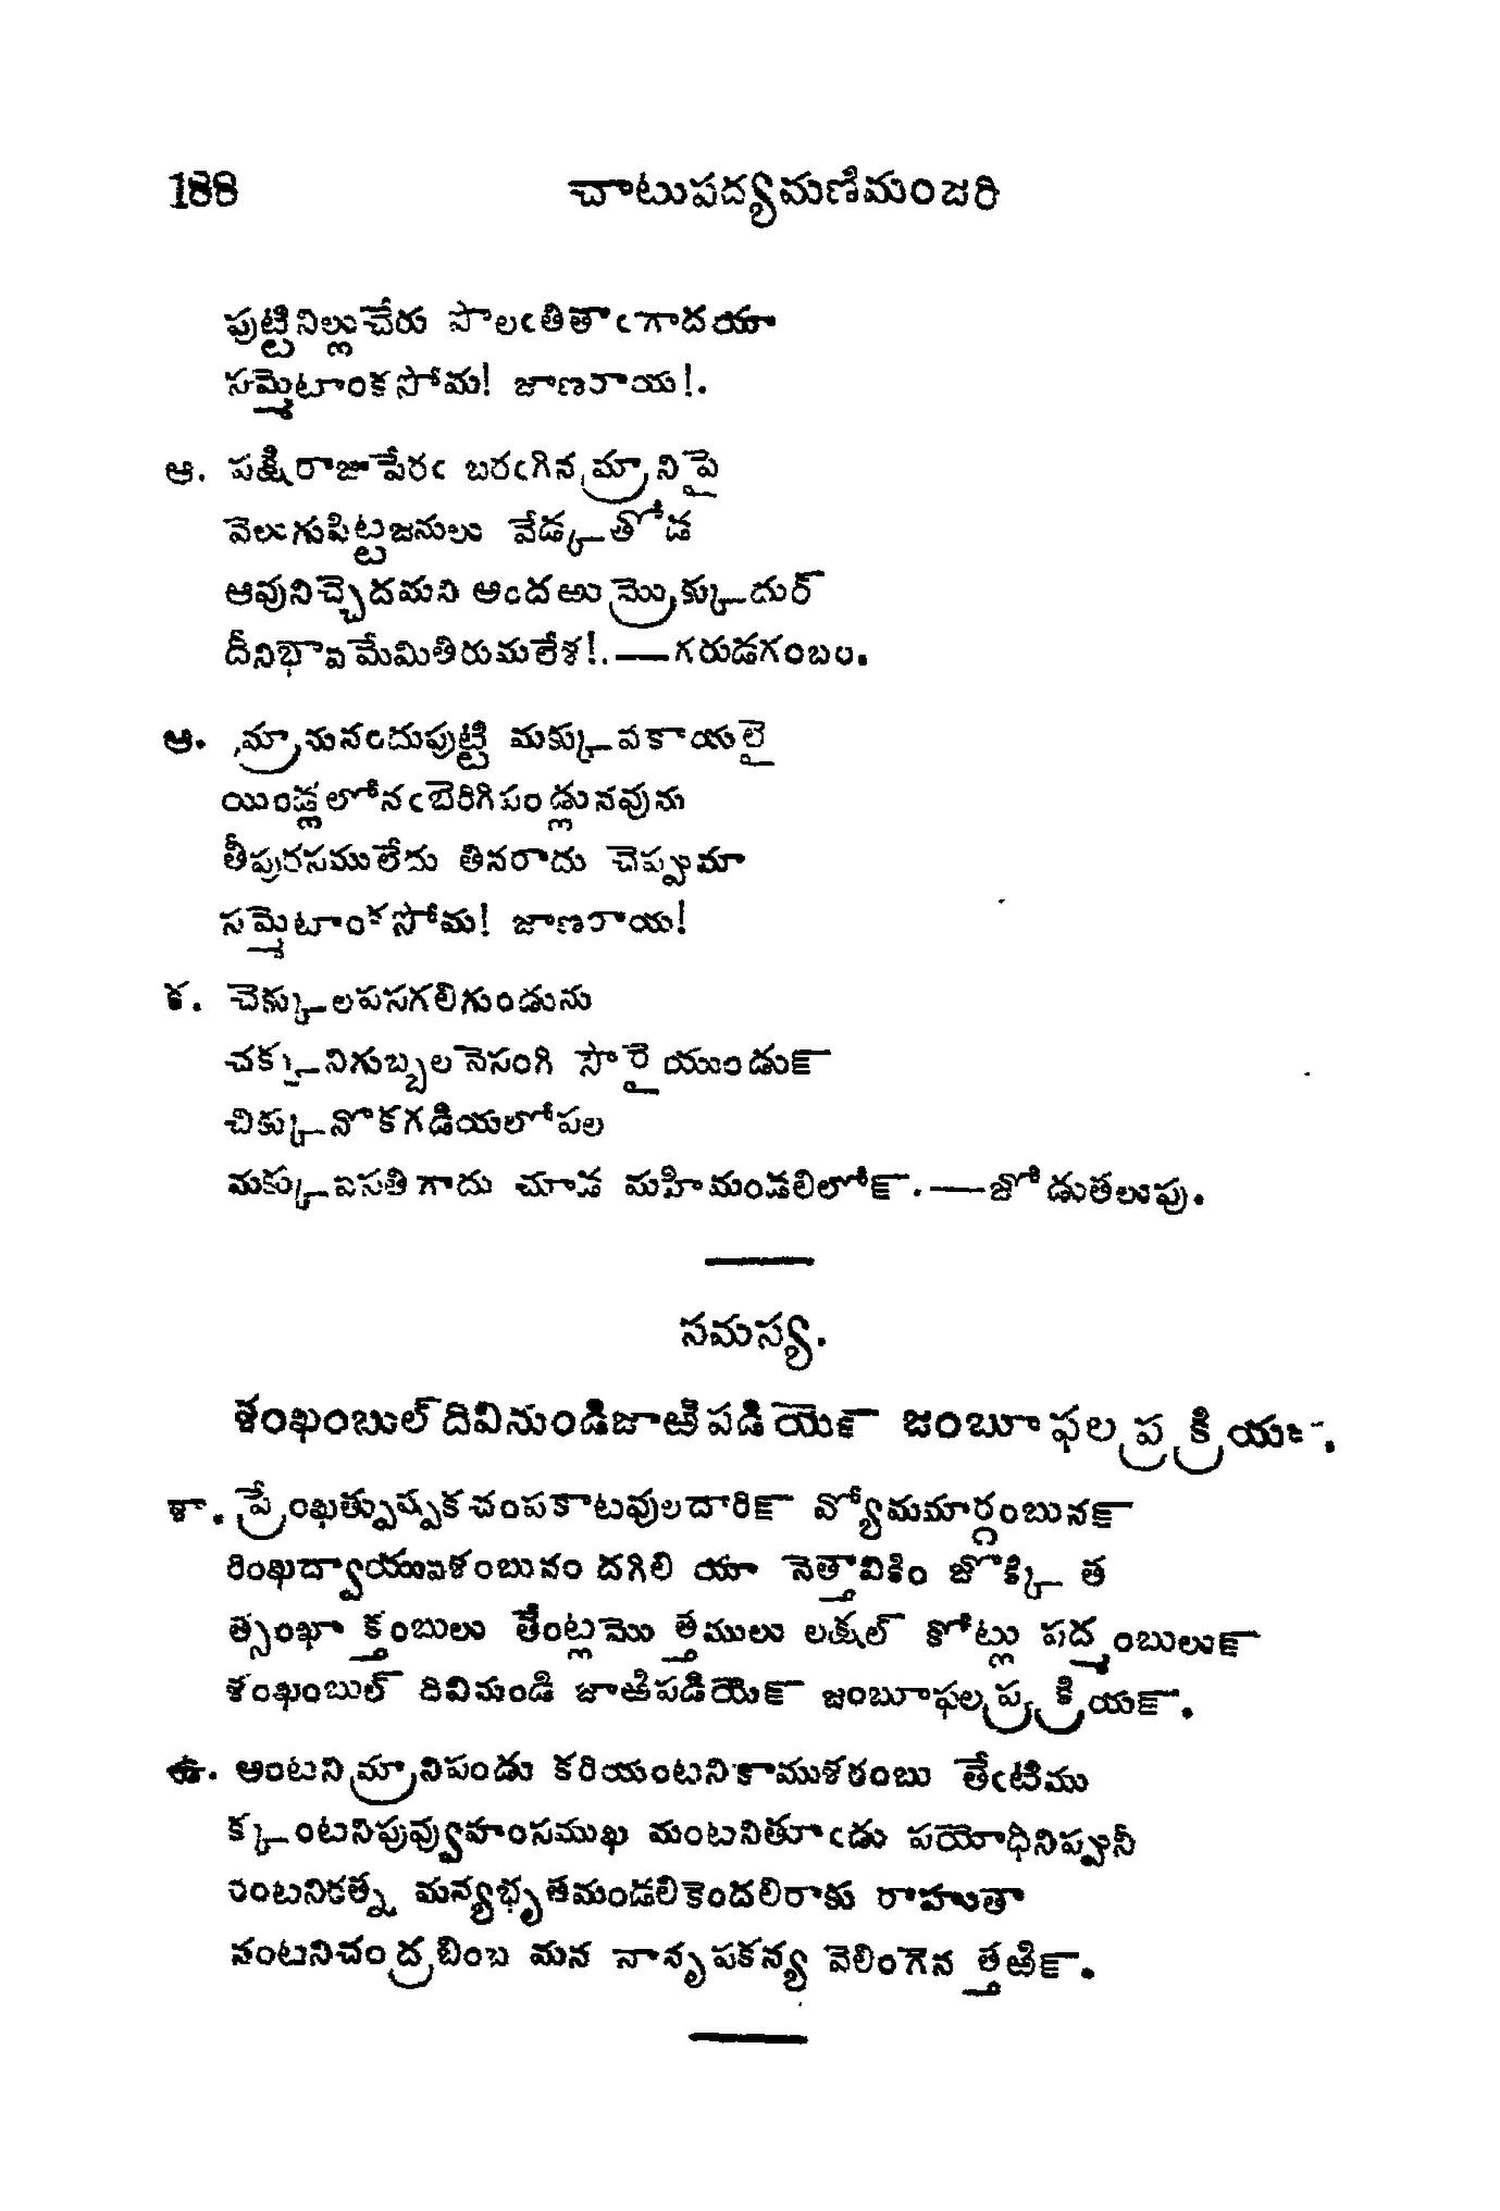పుట్టినిల్లు చేరు పొలఁతి తాఁ గాదయా
 సమ్మెటాంకసోమ! జాణరాయ!
ఆ. పక్షిరాజుపేరఁ బరఁగినమ్రానిపై
 వెలుగుపిట్టజనులు వేడ్కతోడ
 ఆవు నిచ్చెదమని అందఱు మ్రొక్కుదుర్
 దీని భావ మేమి తిరుమలేశ?—గరుడగంబం
ఆ. మ్రానునందు పుట్టి మక్కువకాయలై
 యిండ్లలోనఁ బెరిగి పండ్లు నవును
 తీపురసము లేదు తినరాదు చెప్పుమా
 సమ్మెటాంకసోమ! జాణరాయ!
క. చెక్కుల పస గలిగుండును
 చక్కనిగుబ్బల నెసంగి సౌరై యుండున్
 చిక్కు నొకగడియలోపల
 మక్కువసతిగాదు చూడ మహిమండలిలోన్.—జోడుతలుపు

శా. ప్రేంఖత్పుష్పకచంపకాటవులదారిన్ వ్యోమమార్గంబునన్
 రింఖద్వాయువశంబునం దగిలి యా నెత్తావికిం జొక్కిత
 త్శంఖాక్తంబులు తేంట్లమొత్తములు లక్షల్ కోట్లు పద్మంబులున్
 శంఖంబుల్ దివినుండి జాఱిపడియెన్ జంబూఫలప్రక్రియన్.
ఉ. అంటనిమ్రానిపండు కరియంటనికాముశరంబు తేఁటిము
 క్కంటనిపువ్వు హంసముఖమంటనితూఁడు పయోధినిప్పునీ
 రంటనిరత్న మన్యభృతమండలికెందలిరాకు రాహుతా
 నంటనిచంద్రబింబ మన నానృపకన్య వెలింగె నత్తఱిన్.